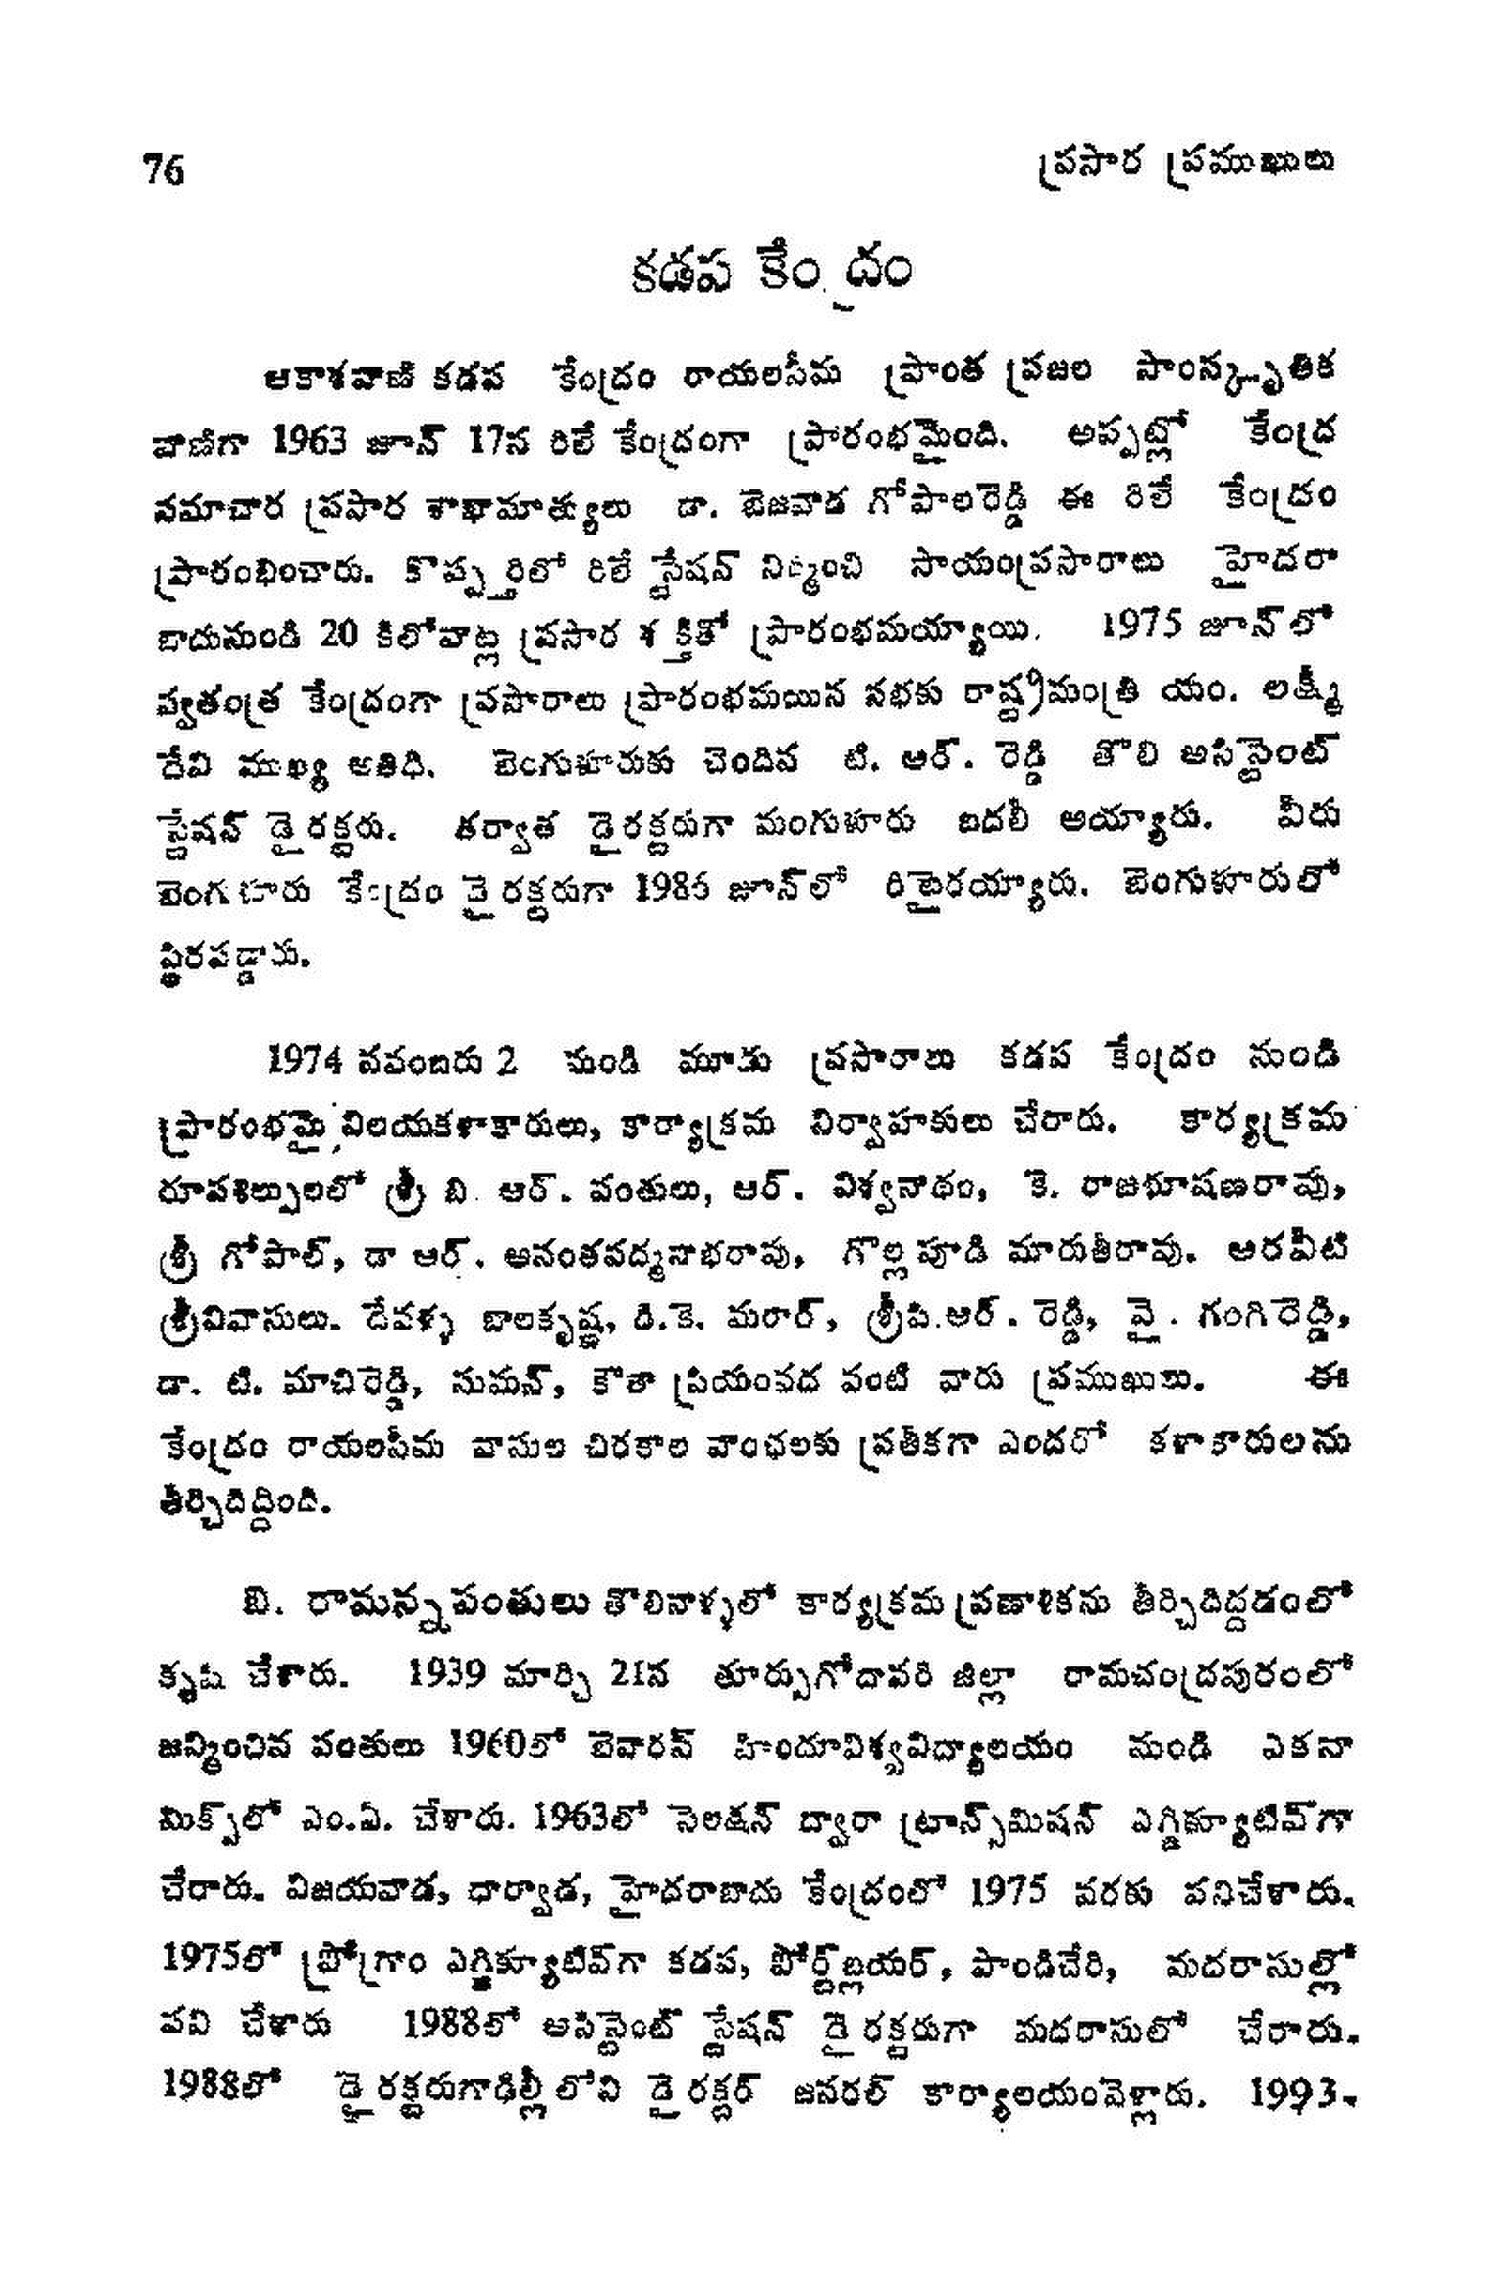ఆకాశవాణి కడప కేంద్రం రాయలసీమ ప్రాంత ప్రజల సాంస్కృతిక వాణిగా 1963 జూన్ 17న రిలే కేంద్రంగా ప్రారంభమైంది. అప్పట్లో కేంద్ర సమాచార ప్రసార శాఖామాత్యులు డా. బెజవాడ గోపాలరెడ్డి ఈ రిలే కేంద్రం ప్రారంభించారు. కొప్పర్తిలో రిలే స్టేషన్ నిర్మించి సాయంప్రసారాలు హైదరాబాదునుండి 20 కిలోవాట్ల ప్రసార శక్తితో ప్రారంభమయ్యాయి. 1975 జూన్ లో స్వతంత్ర కేంద్రంగా ప్రసారాలు ప్రారంభమయిన సభకు రాష్ట్రమంత్రి యం. లక్ష్మీదేవి ముఖ్య అరిథి. బెంగుళూరుకు చెందిన టి. ఆర్. రెడ్డి తొలి అసిస్టెంట్ స్టేషన్ డైరక్టరు. తర్వాత డైరక్టరుగా మంగుళూరు బదలీ అయ్యారు. వీరు బెంగుళూరు కేంద్రం డైరక్టరుగా 1986 జూన్ లో రిటైరయ్యారు. బెంగుళురులో స్థిరపడ్డారు.

1974 నవంబరు 2 నుండి మూడు ప్రసారాలు కడప కేంద్రం నుండి ప్రారంభమై నిలయకళాకారులు, కార్యక్రమ నిర్వాహకులు చేరారు. కార్యక్రమ రూపశిల్పులలో శ్రీ బి. ఆర్. పంతులు, ఆర్. విశ్వనాథం, కె. రాజభూషణరావు, శ్రీ గోపాల్, డా. ఆర్. అనంతపద్మనాభరావు, గొల్లపూడి మారుతీరావు, ఆరవీటి శ్రీనివాసులు, దేవళ్ళ బాలకృష్ణ, డి. కె. మురార్, శ్రీ పి. ఆర్. రెడ్డి, వై. గంగిరెడ్డి, డా. టి. మాచిరెడ్డి, సుమన్, కౌతా ప్రియంవద వంటి వారు ప్రముఖులు. ఈ కేంద్రం రాయలసీమ వాసుల చిరకాల వాంఛలకు ప్రతీకగా ఎందరో కళాకారులను తీర్చిదిద్దింది.

బి. రామన్న పంతులు తొలినాళ్ళలో కార్యక్రమ ప్రణాళికను తీర్చిదిద్దడంలో కృషి చేశారు. 1939 మార్చి 21న తూర్పుగోదావరి జిల్లా రామచంద్రపురంలో జన్మించిన పంతులు 1960లో బెనారస్ హిందూ విశ్వవిద్యాలయం నుండి ఎకనామిక్స్‌లో ఎం.ఏ. చేశారు. 1963లో సెలక్షన్ ద్వారా ట్రాన్స్‌మిషన్ ఎగ్జిక్యూటివ్‌గా చేరారు. విజయవాడ, ధర్వాడ, హైదరాబాదు కేంద్రంలో 1975 వరకు పనిచేశారు. 1975లో ప్రోగ్రాం ఎగ్జిక్యూటివ్‌గా కడప, పోర్ట్‌బ్లయర్, పాండిచేరి, మదరాసుల్లో పని చేశారు. 1988లో అసిస్టెంట్ స్టేషన్ డైరెక్టరుగా మదరాసులో చేరారు. 1988లో డైరక్టరుగా ఢిల్లీలోని డైరక్టర్ జనరల్ కార్యాలయం వెళ్లారు. 1993